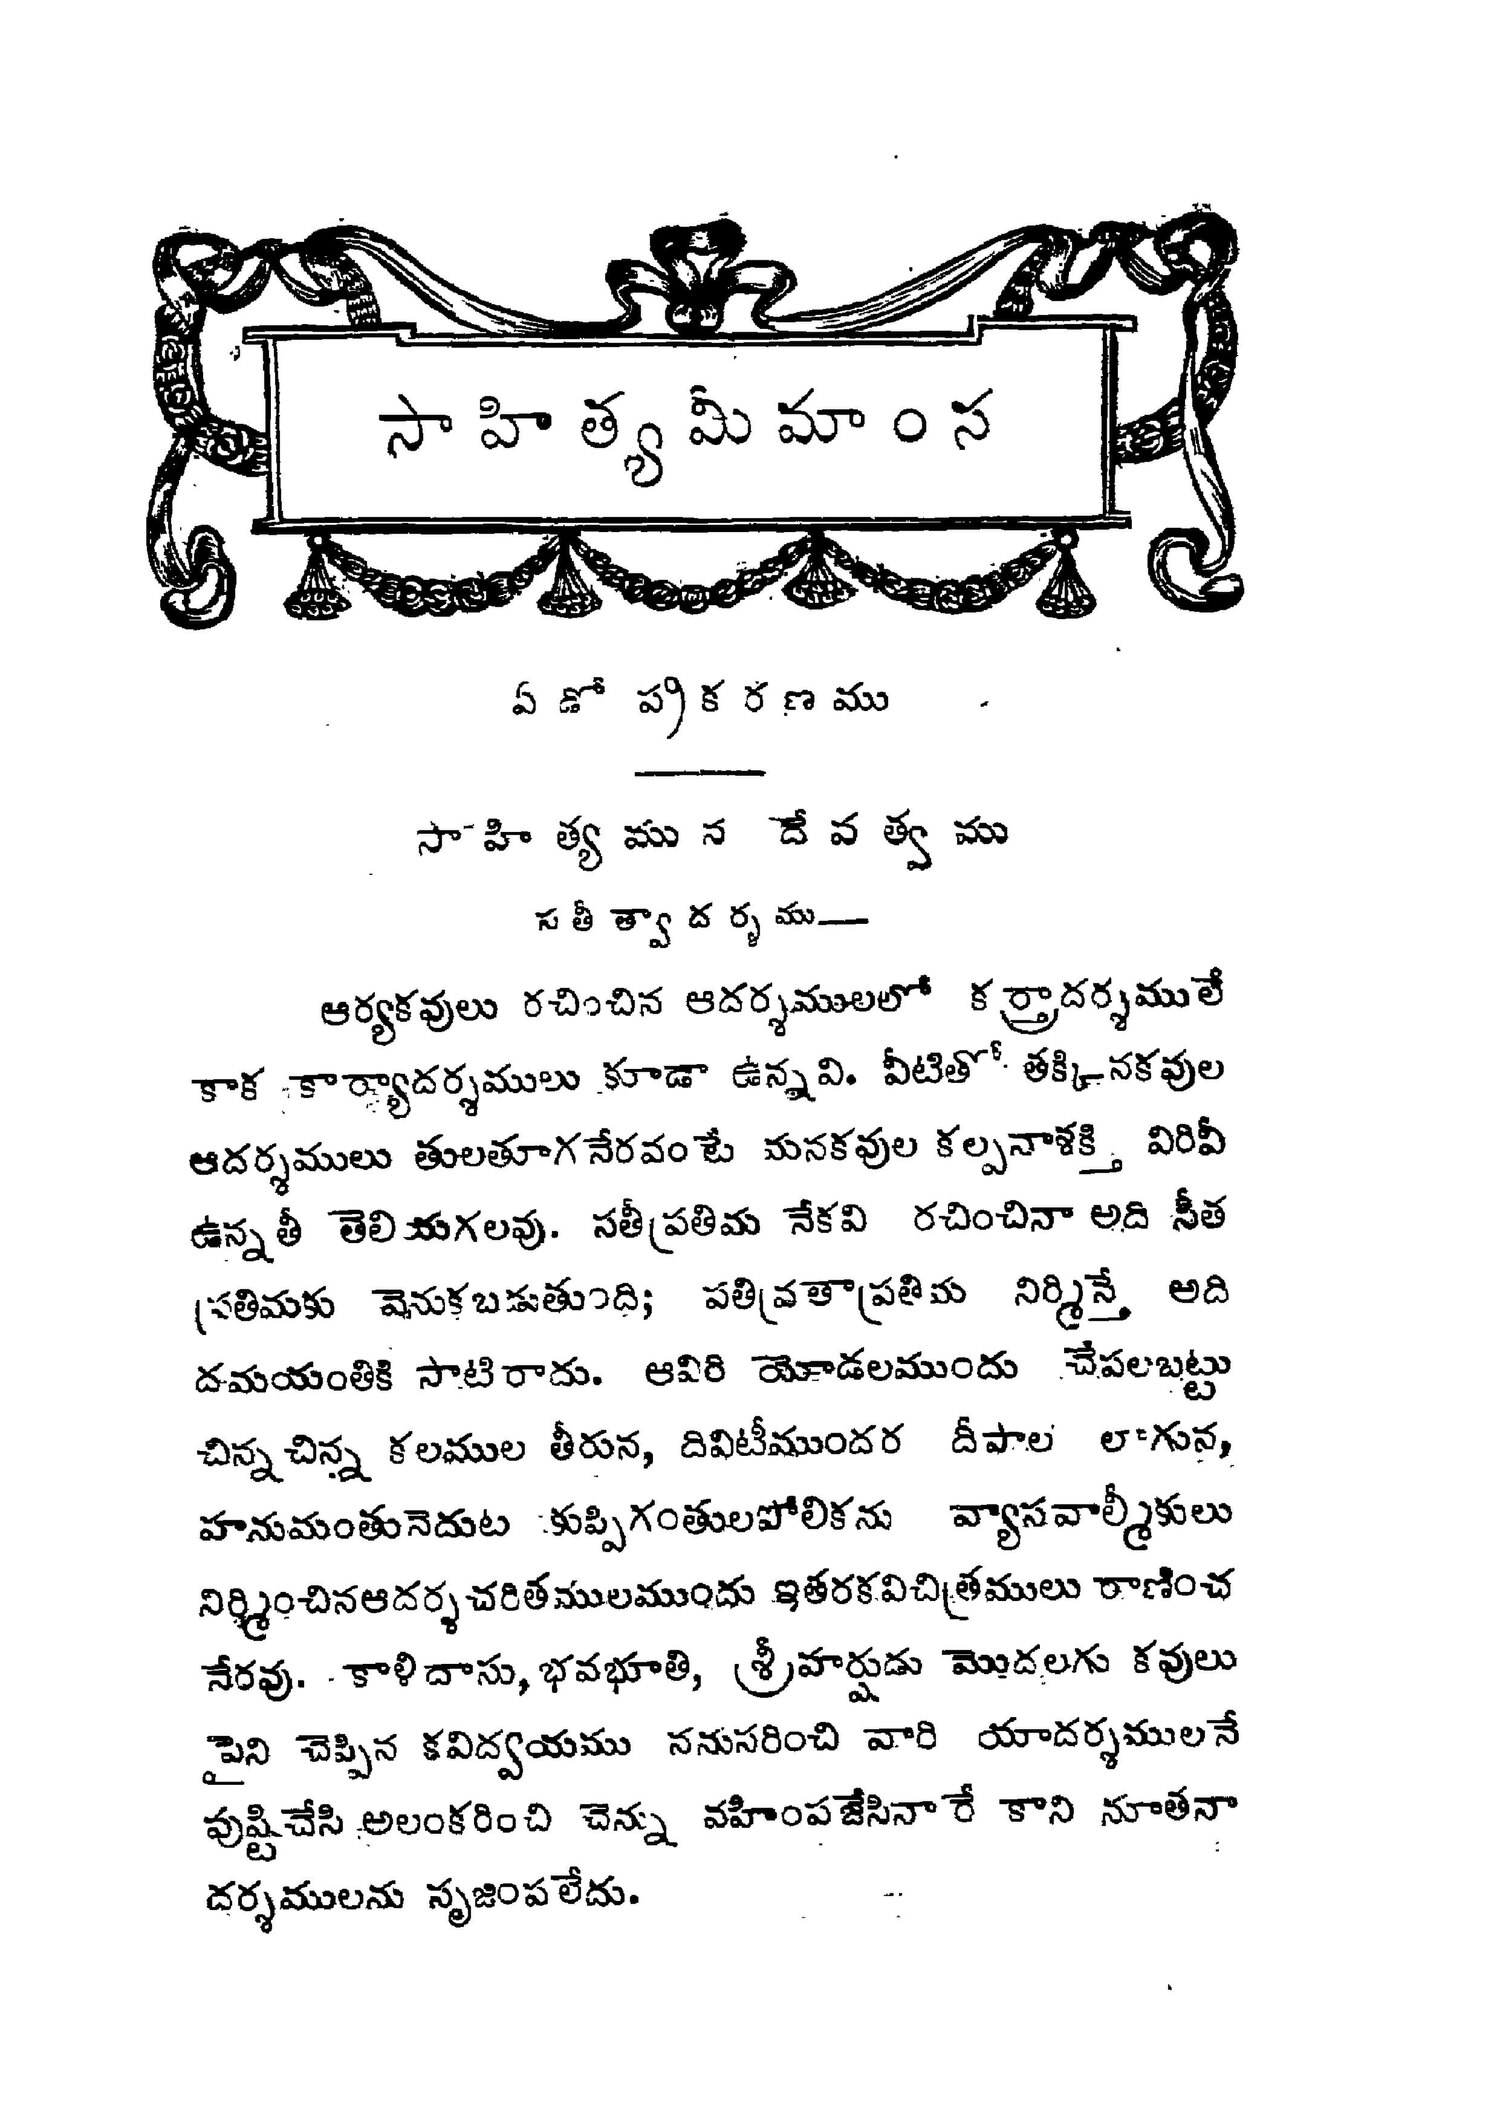ఆర్యకవులు రచించిన ఆదర్శములలో కర్త్రాదర్శములే కాక కార్యాదర్శములు కూడా ఉన్నవి. వీటితో తక్కినకవుల ఆదర్శములు తులతూగనేరవంటే మనకవుల కల్పనాశక్తి విరివీ ఉన్నతి తెలియగలవు. సతీప్రతిమ నేకవి రచించినా అది సీత ప్రతిమకు వెనుకబడుతుంది; పతివ్రతాప్రతిమ నిర్మిస్తే అది దమయంతికి సాటిరాదు. ఆవిరి యోడలముందు చేపలబట్టు చిన్న చిన్న కలముల తీరున, దివిటీముందర దీపాల లాగున, హనుమంతునెదుట కుప్పిగంతులపోలికను వ్యాసవాల్మీకులు నిర్మించినఆదర్శ చరితములముందు ఇతరకవిచిత్రములు రాణించ నేరవు. కాళిదాసు, భవభూతి, శ్రీహర్షుడు మొదలగు కవులు పైని చెప్పిన కవిద్వయము ననుసరించి వారి యాదర్శములనే పుష్టిచేసి అలంకరించి చెన్ను వహింపజేసినారే కాని నూతనా దర్శములను సృజింపలేదు.